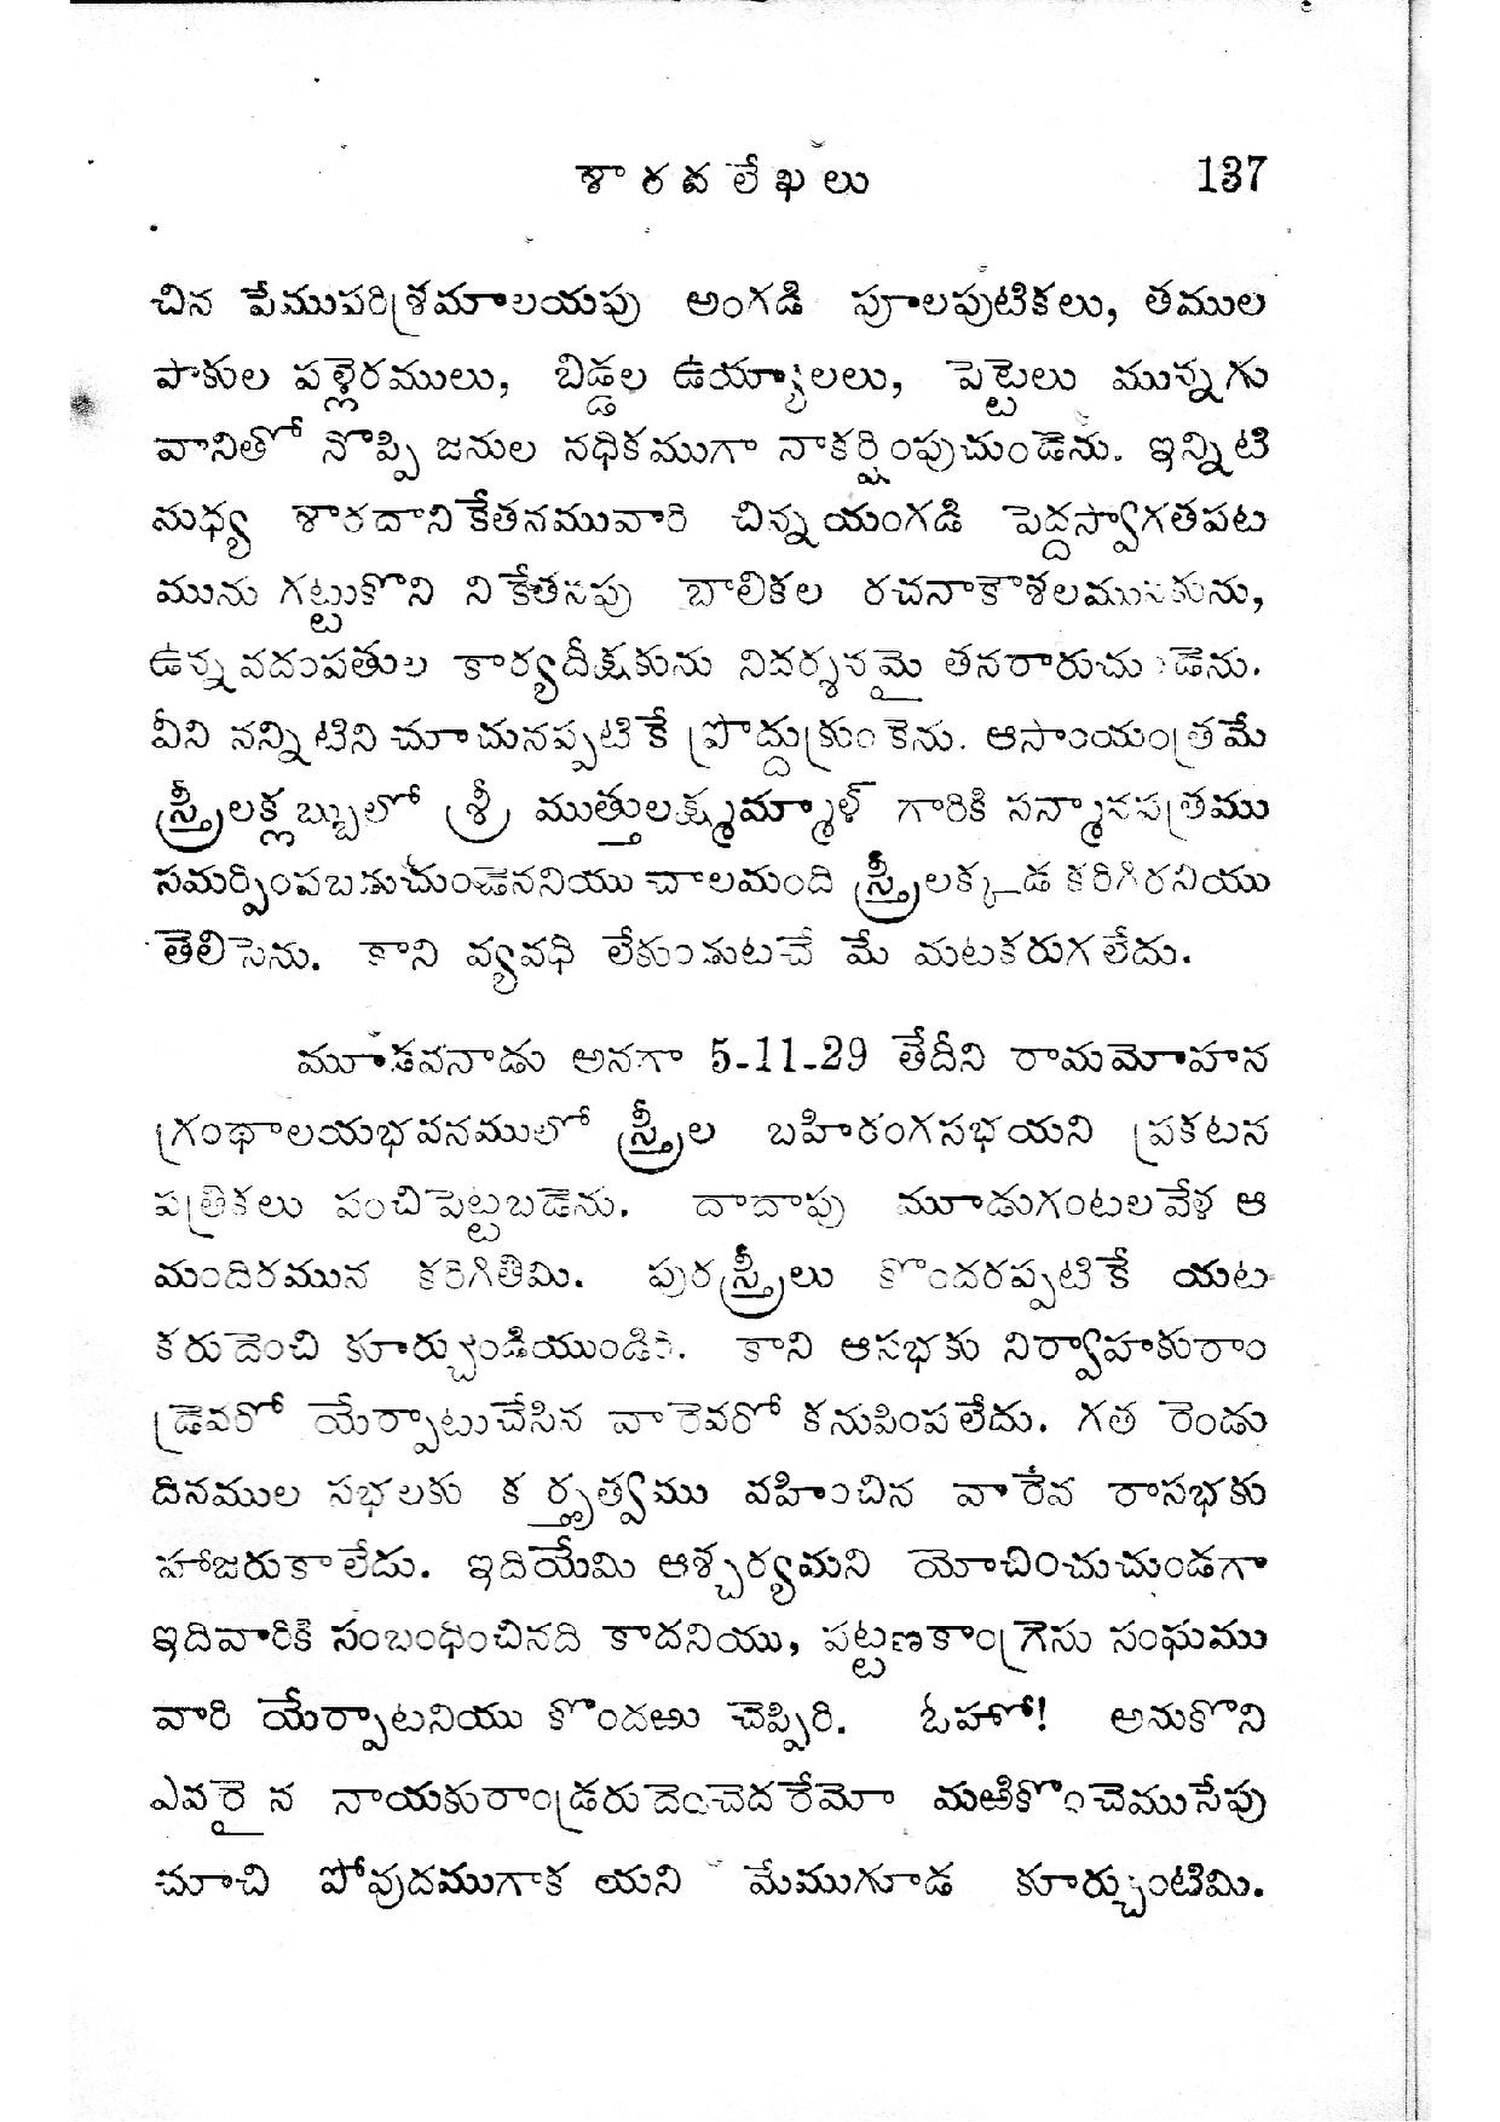చిన పేముపరిశ్రమాలయపు అంగడి పూలపుటికలు, తములపాకుల పళ్లెరములు, బిడ్డల ఉయ్యాలలు, పెట్టెలు మున్నగువానితో నొప్పి జనుల నధికముగా నాకర్షింపుచుండెను. ఇన్నిటిమధ్య శారదానికేతనమువారి చిన్నయంగడి పెద్దస్వాగతపటమును గట్టుకొని నికేతనపు బాలికల రచనాకౌశలమునకును, ఉన్నవదంపతుల కార్యదీక్షకును నిదర్శనమై తనరారుచుండెను. వీని నన్నిటిని చూచునప్పటికే ప్రొద్దుక్రుంకెను. ఆసాయంత్రమే
స్త్రీలక్లబ్బులో శ్రీ ముత్తులక్ష్మమ్మాళ్ గారికి సన్మానపత్రము సమర్పింపబడుచుండెననియు చాలమంది స్త్రీలక్కడ కరిగిరనియు తెలిసెను. కాని వ్యవధి లేకుండుటచే మే మటకరుగలేదు.

మూడవనాడు అనగా 5-11-29 తేదీని రామమోహన గ్రంథాలయభవనములో స్త్రీల బహిరంగసభయని ప్రకటన పత్రికలు పంచిపెట్టబడెను. దాదాపు మూడుగంటలవేళ ఆమందిరమున కరిగితిమి. పురస్త్రీలు కొందరప్పటికే యట కరుదెంచి కూర్చుండియుండిరి. కాని ఆసభకు నిర్వాహకురాండ్రెవరో యేర్పాటుచేసిన వారెవరో కనుపింపలేదు. గత రెండుదినముల సభలకు కర్తృత్వము వహించిన వారెవ రాసభకు
హాజరుకాలేదు. ఇదియేమి ఆశ్చర్యమని యోచించుచుండగా ఇదివారికి సంబంధించినది కాదనియు, పట్టణకాంగ్రెసు సంఘమువారి యేర్పాటనియు కొందఱు చెప్పిరి. ఓహో! అనుకొని ఎవరైన నాయకురాండ్రరుదెంచెదరేమో మఱికొంచెముసేపు చూచి పోవుదముగాక యని మేముగూడ కూర్చుంటిమి.